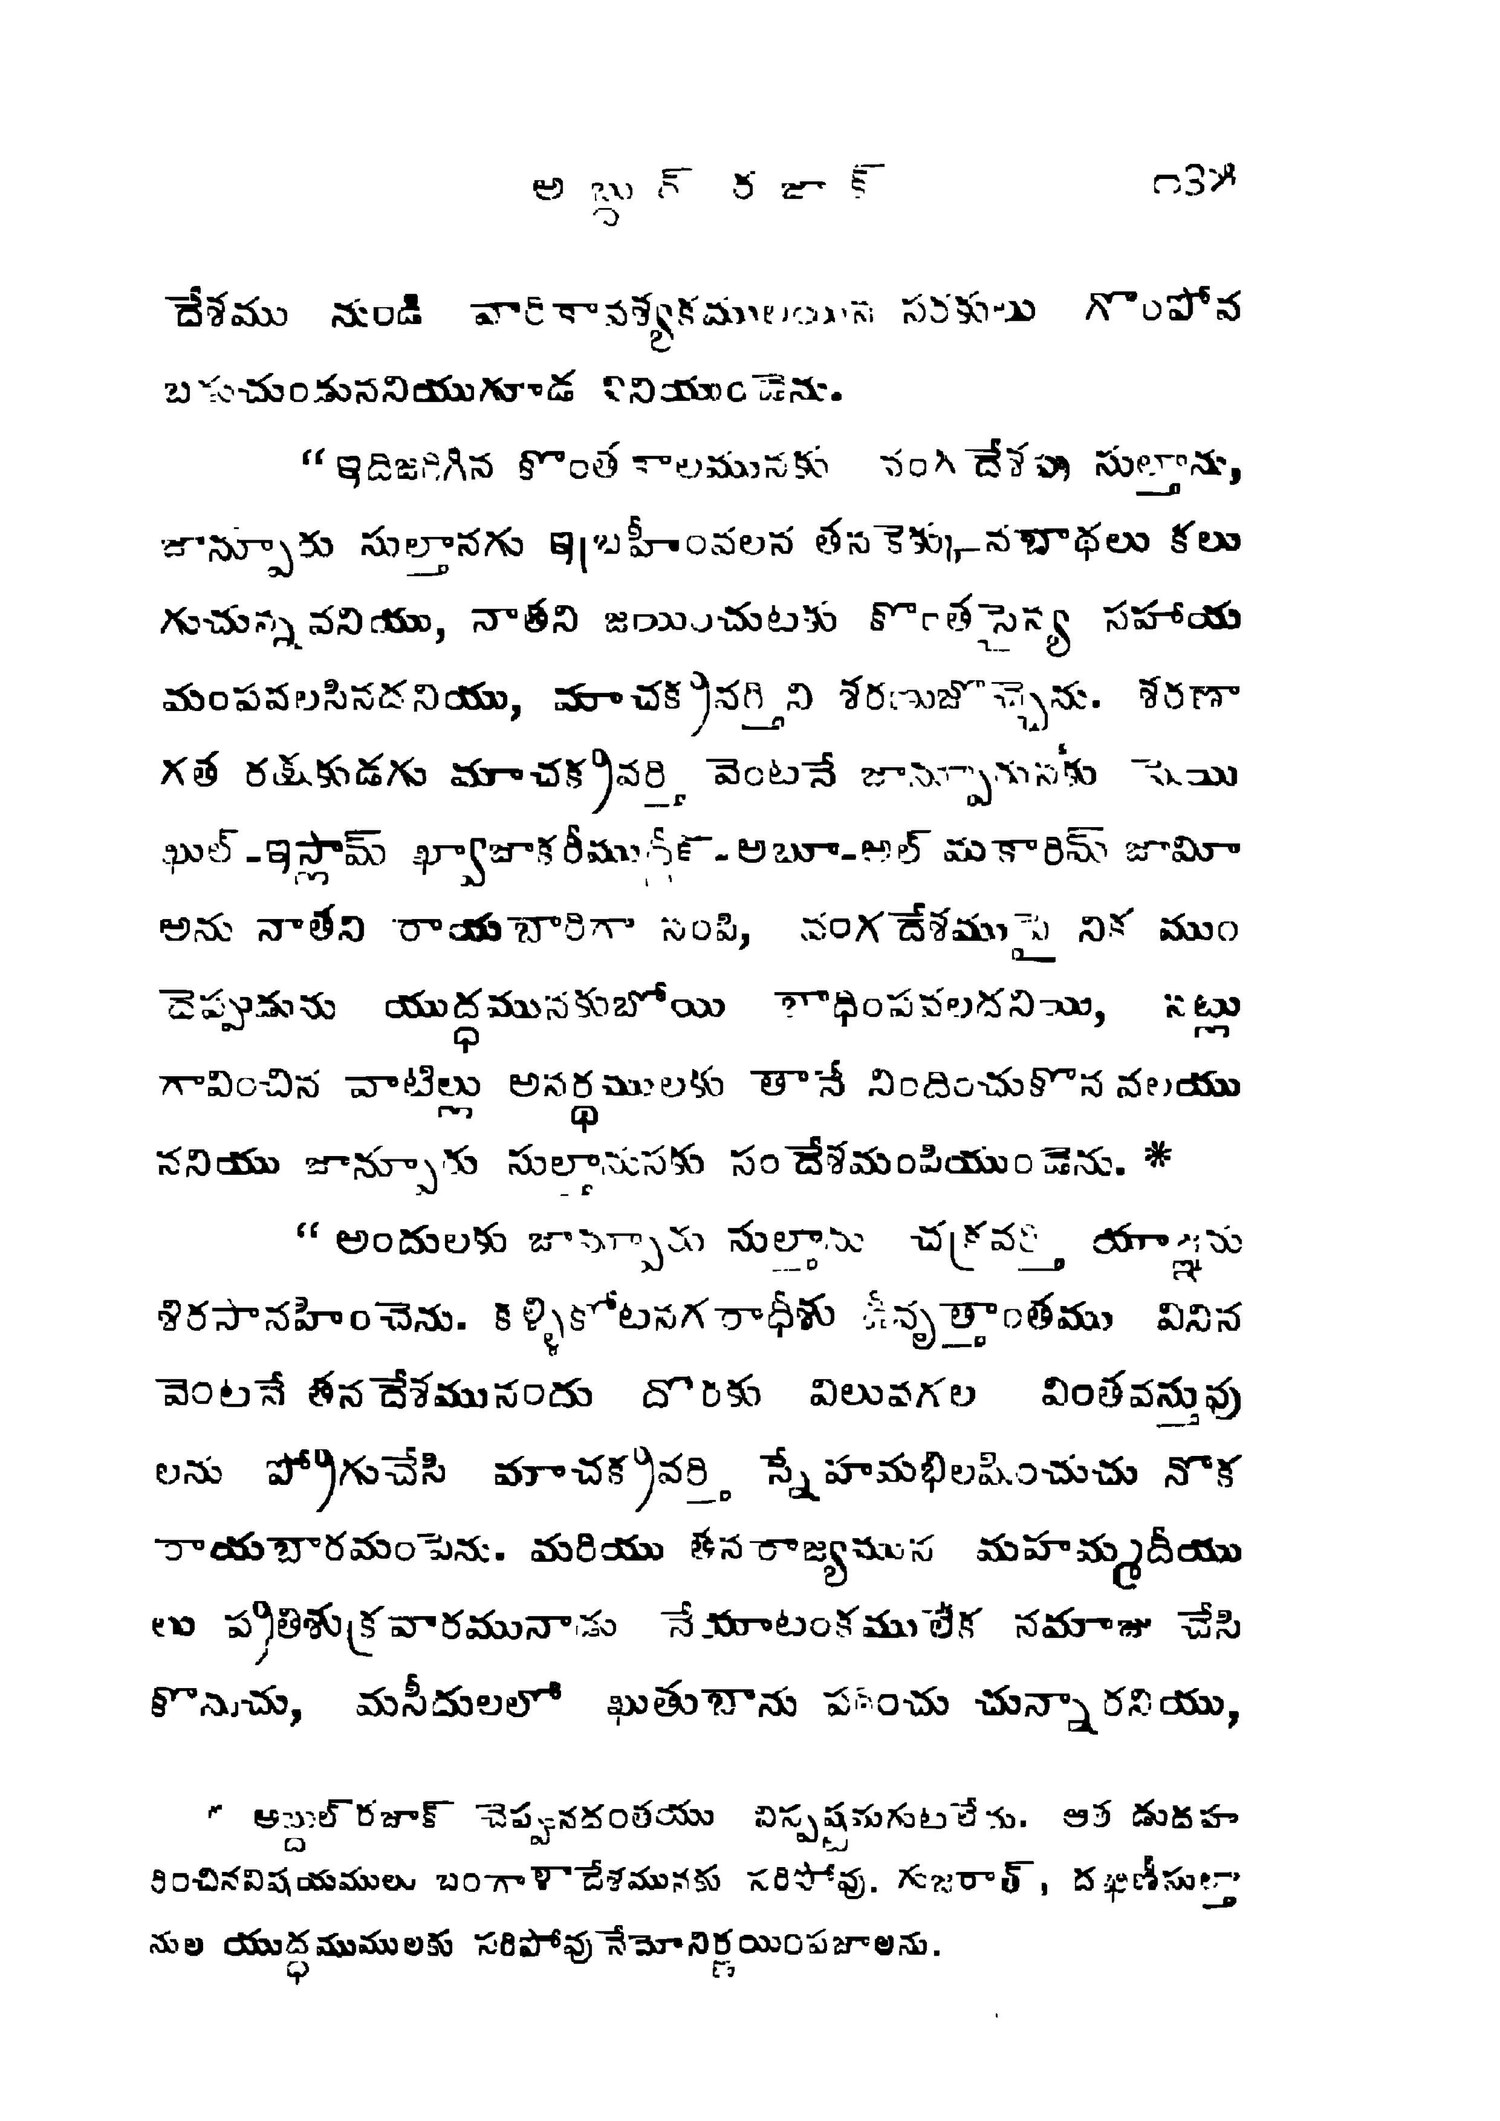దేశము నుండి వారి కావశ్యకములయిన సరకులు గొంపోవ బడుచుండు ననియుగూడ వినియుండెను.

"ఇదిజరిగిన కొంత కాలమునకు వంగదేశపు సుల్తాను, జాన్పూరు సుల్తానగు ఇబ్రహీంవలన తన కెక్కువ బాథలు కలుగు చున్నవనియు, నాతని జయించుటకు కొంతసైన్య సహాయ మంప వలసినదనియు, మాచక్రవర్తిని శరణుజొచ్చెను. శరణాగత రక్షకుడగు మాచక్రవర్తి వెంటనే జాన్పూరునకు షెయిఖుల్-ఇస్లామ్ ఖ్వాజాకరీముద్దీన్-అబూ-అల్ మకారిమ్ జామీ అను నాతని రాయబారిగా నంపి, వంగదేశముపై నిక ముందెప్పుడును యుద్ధమునకు బోయి బాధింప వలదనియి, నట్లుగావించిన వాటిల్లు అనర్థములకు తానే నిందించుకొన వలయుననియు జాన్పూరు సుల్తానునకు సందేశమంపియుండెను.

"అందులకు జాంపూరు సుల్తాను చక్రవర్తి యాజ్ఞను శిరసాసహించెను. కళ్ళికోటనగరాధీశు డీవృత్తాంతము వినిన వెంటనే తనదేశమునందు దొరకు విలువగల వింతవస్తువులను ప్రోగుచేసి మాచక్రవర్తి స్నేహమభిలషించుచు నొక రాయబారమంపెను. మరియు తనరాజ్యమున మహమ్మదీయులు ప్రతిశుక్రవారమునాడు నేయాటంకములేక నమాజు చేసికొనుచు, మసీదులలో ఖుతుబాను పఠించు చున్నారనియు,